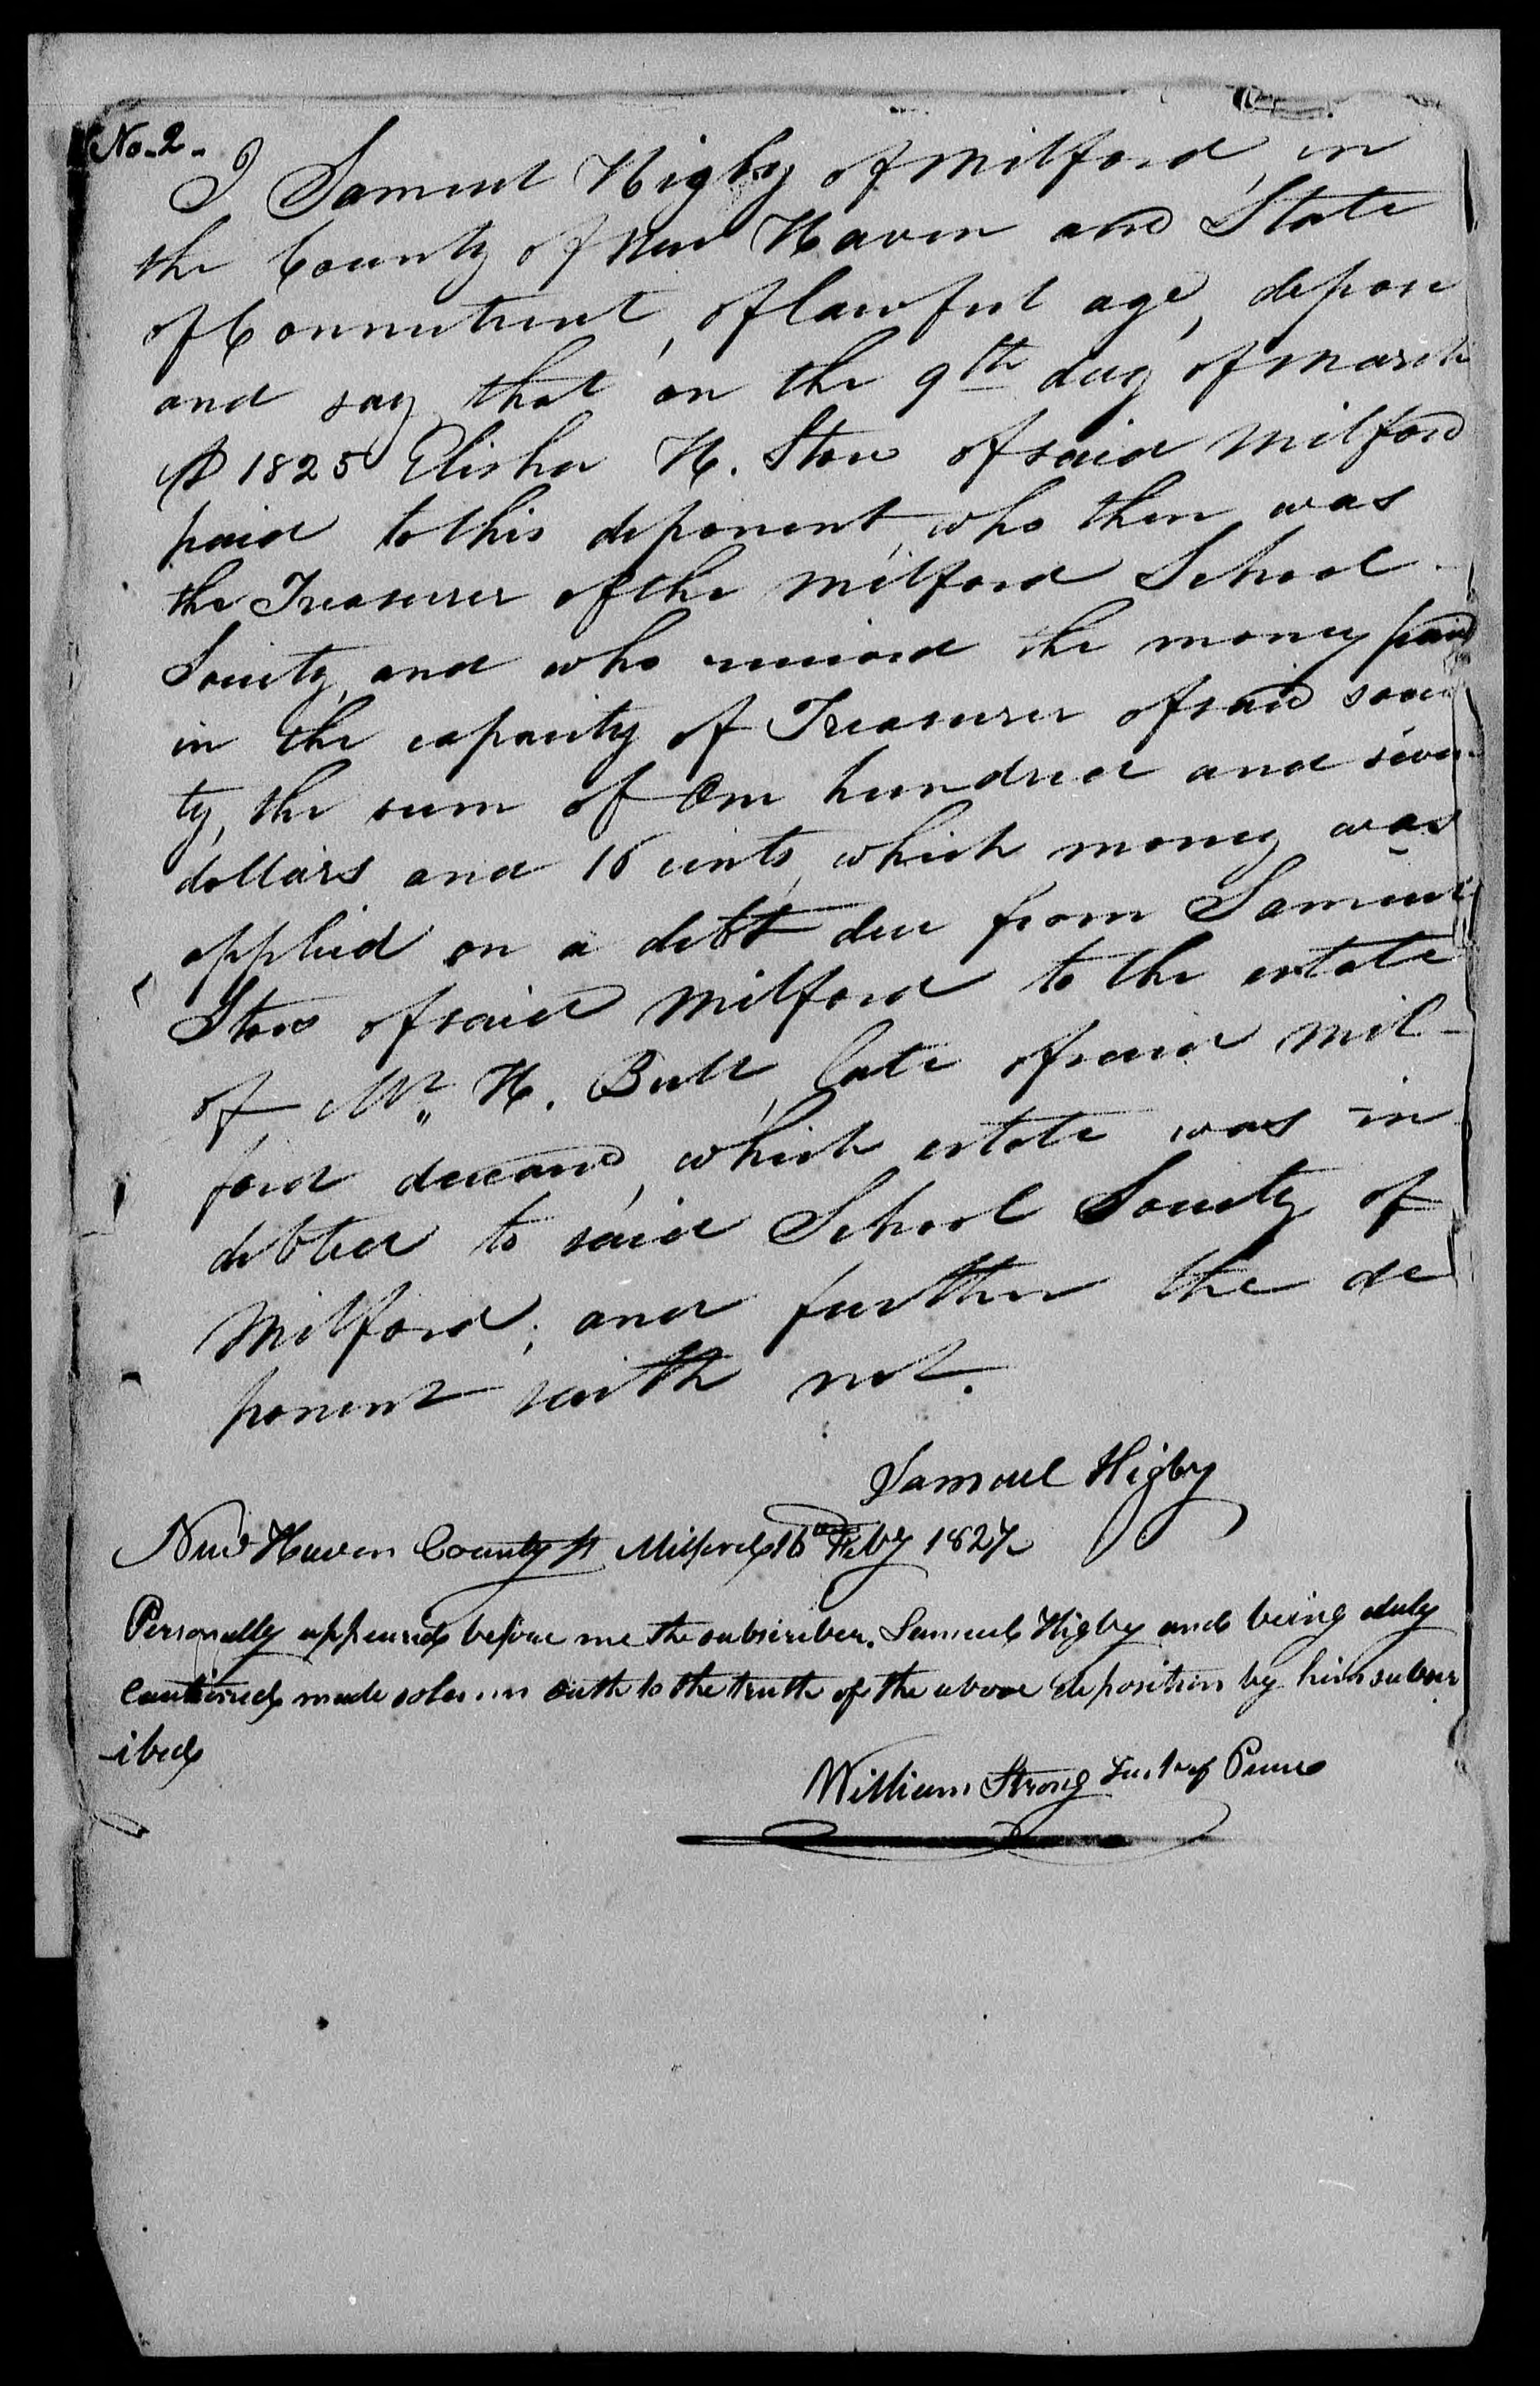No. 2
I Samuel Higby of Milford, in the County of New Haven and State of Connecticut, of lawful age, depose and say that on the 9th day of March A.D. 1825 Elisha H. Stow of said Milford paid to this deponent, who then was the Treasurer of the Milford School Society, and who received the money paid in the capacity of Treasurer of said Society, the sum of one hundred and seven dollars and 16 cents, which money was applied on a debt due from Samuel Stow of said Milford to the estate of Mr. H. Bull, late of said Milford deceased, which estate was indebted to said School Society of Milford, and further the deponent saith not.
[signed] Samuel Higby

New Haven County} ss: Milford 16th Feb'y 1827
Personally appeared before me the subscriber, Samuel Higby, and being duly cautioned made solemn oath to the truth of the above deposition by him subscribed.
William Strong, Justice of Peace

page: 21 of 42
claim: survivor's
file: S. 36,819, for Samuel Stow, Connecticut